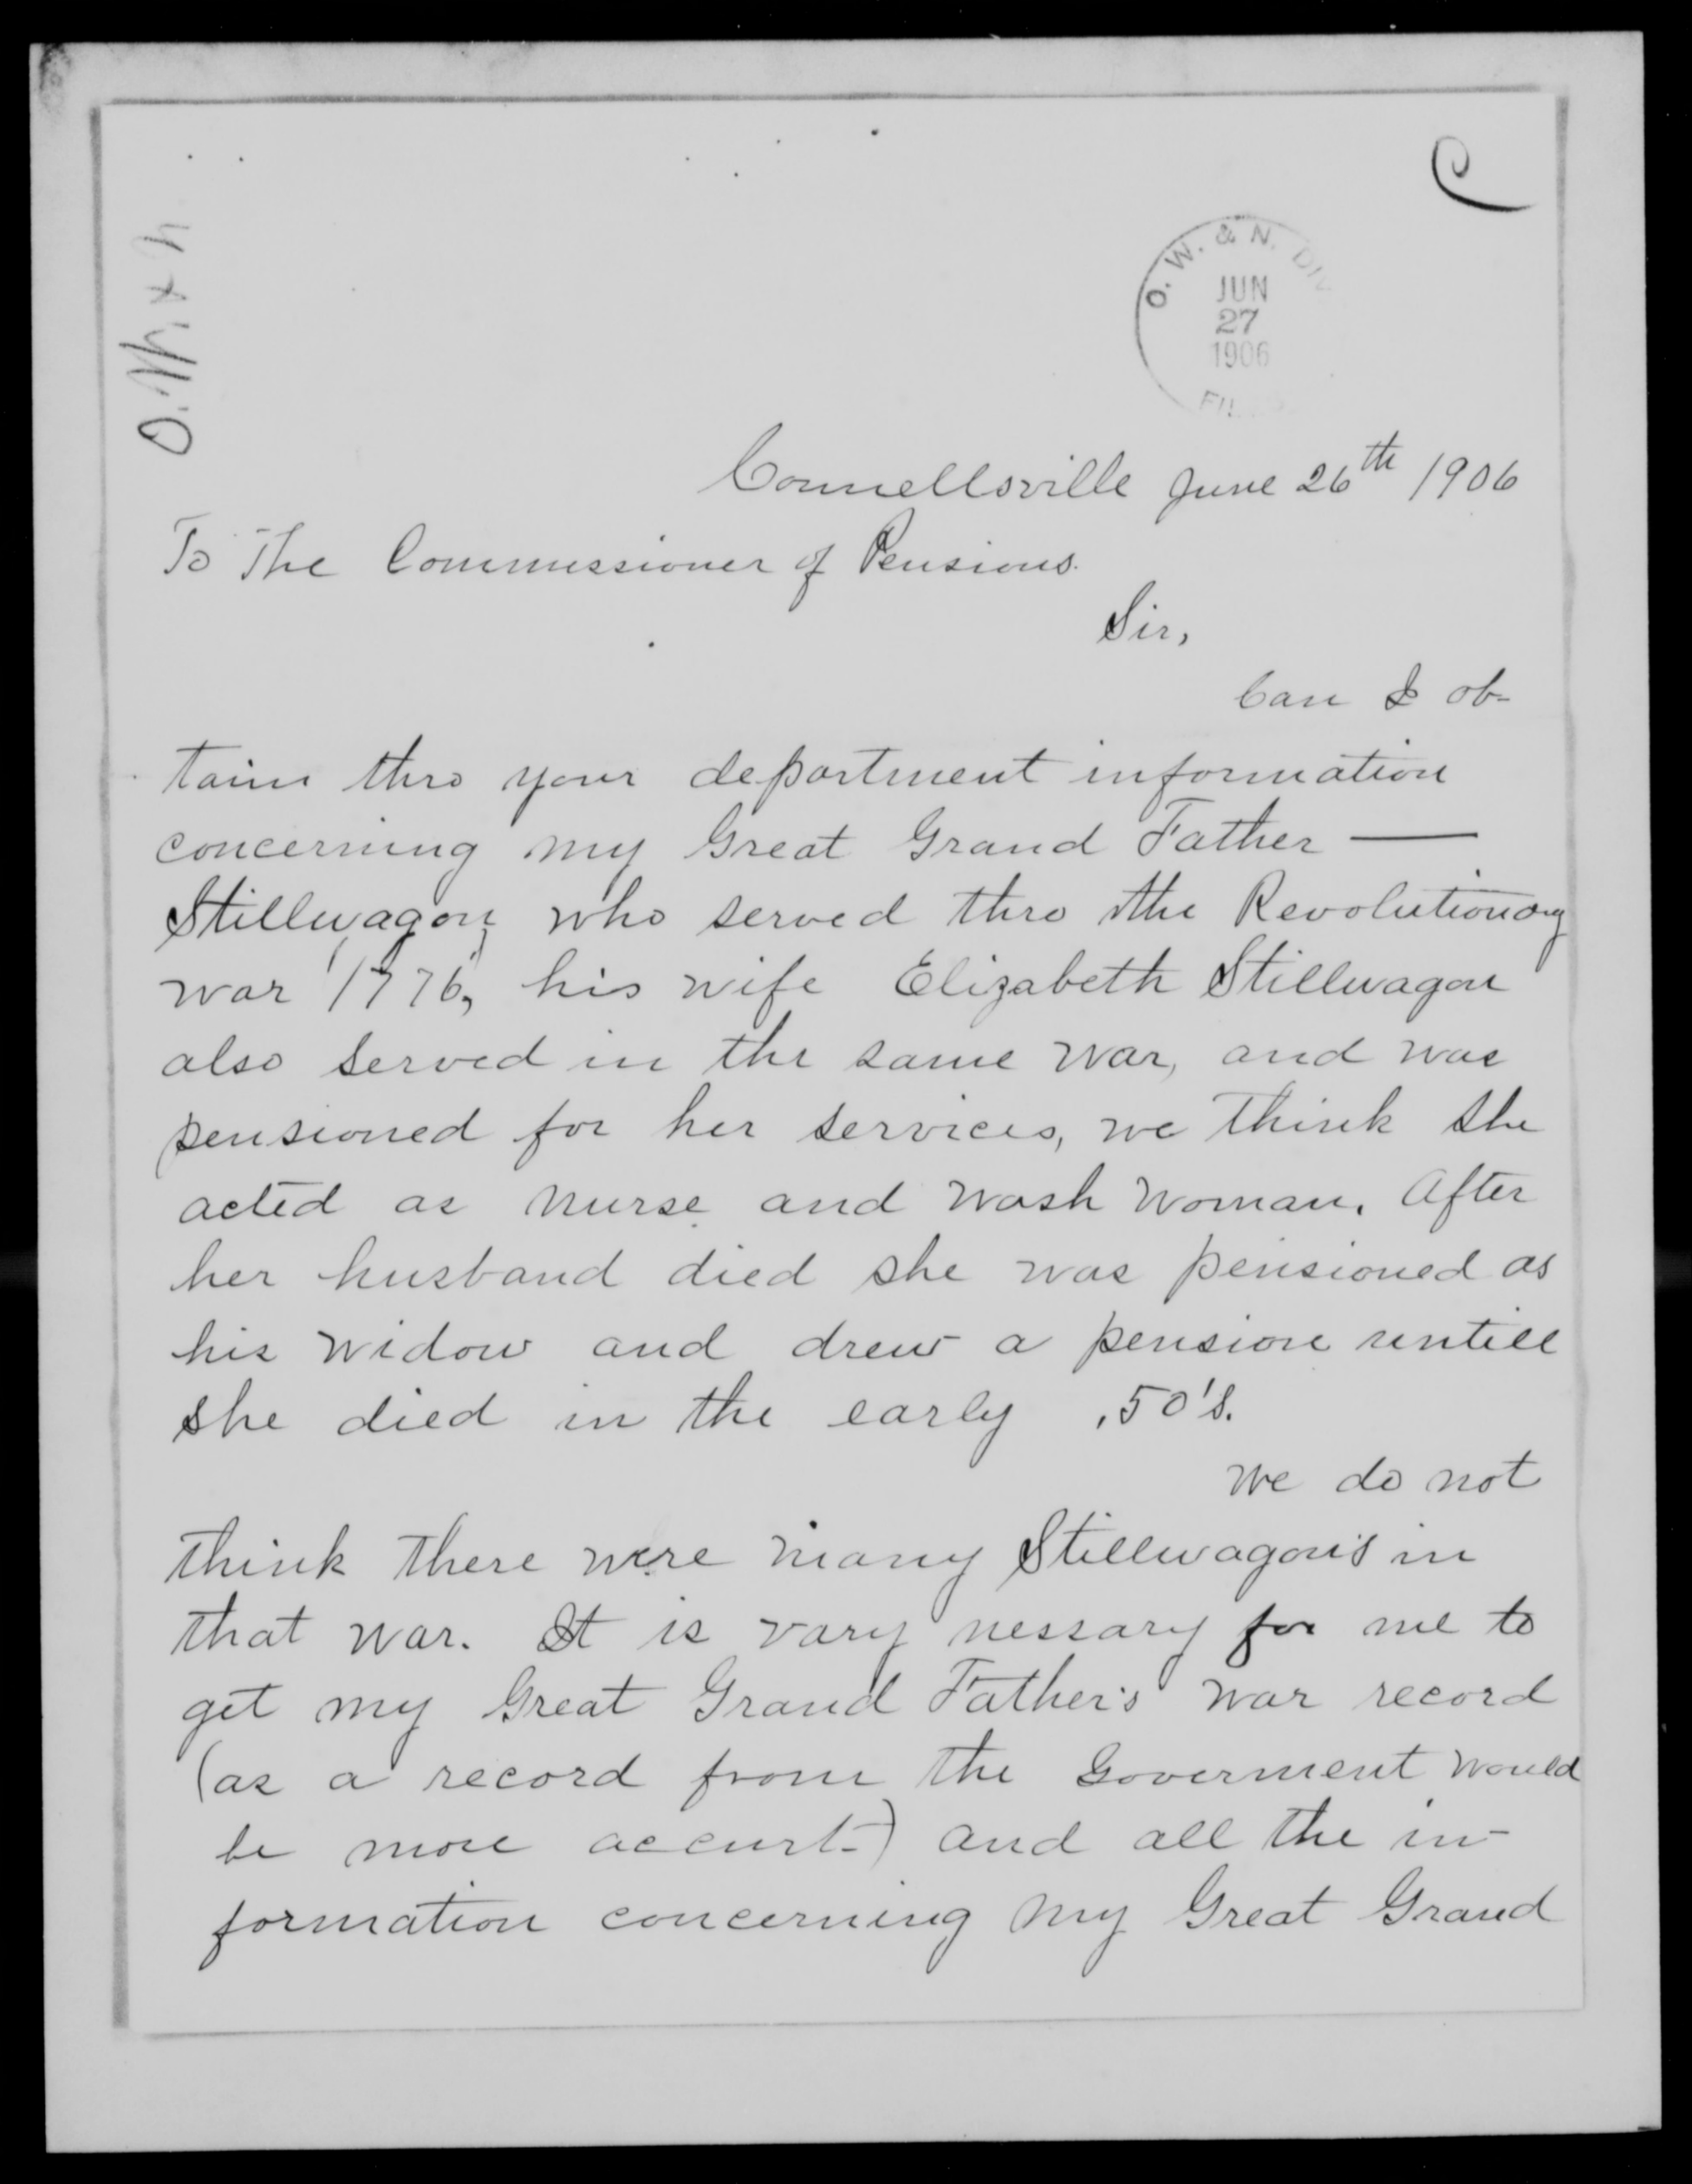[upper left corner, written vertically] O. W. & N. [upper left corner, written vertically]

[upper right corner, round stamp] O. W. & N. [illegible] June 27 1906 [upper right corner, round stamp]

Connellsville June 26th 1906

To The Commissioner of Pensions 

Sir,
Can I obtain thro [sic] your department information concerning my Great Grand Father [nothing on this line] ______ [nothing on this line] Stillwagon, who served thro [sic] the Revolutionary War 1776, his wife Elizabeth Stillwagon also served in the same War, and was pensioned for her services, we think she acted as nurse and wash woman. After her husband died she was pensioned as his widow and drew a pension untill [sic] she died in the early 50’s.

We do not think there were many Stillwagons in that War. It is vary [sic] nessary [sic] for me to get my Great Grand Father’s war record (as a record from the Government would be more accurt [sic]) and all the information concerning my Great Grand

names: Elizabeth Stillwagon; [BLANK] Stillwagon; [BLANK] Stillwagon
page: 40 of 73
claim: widow's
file: W. 3197, for Peter Stillwagon, New Jersey